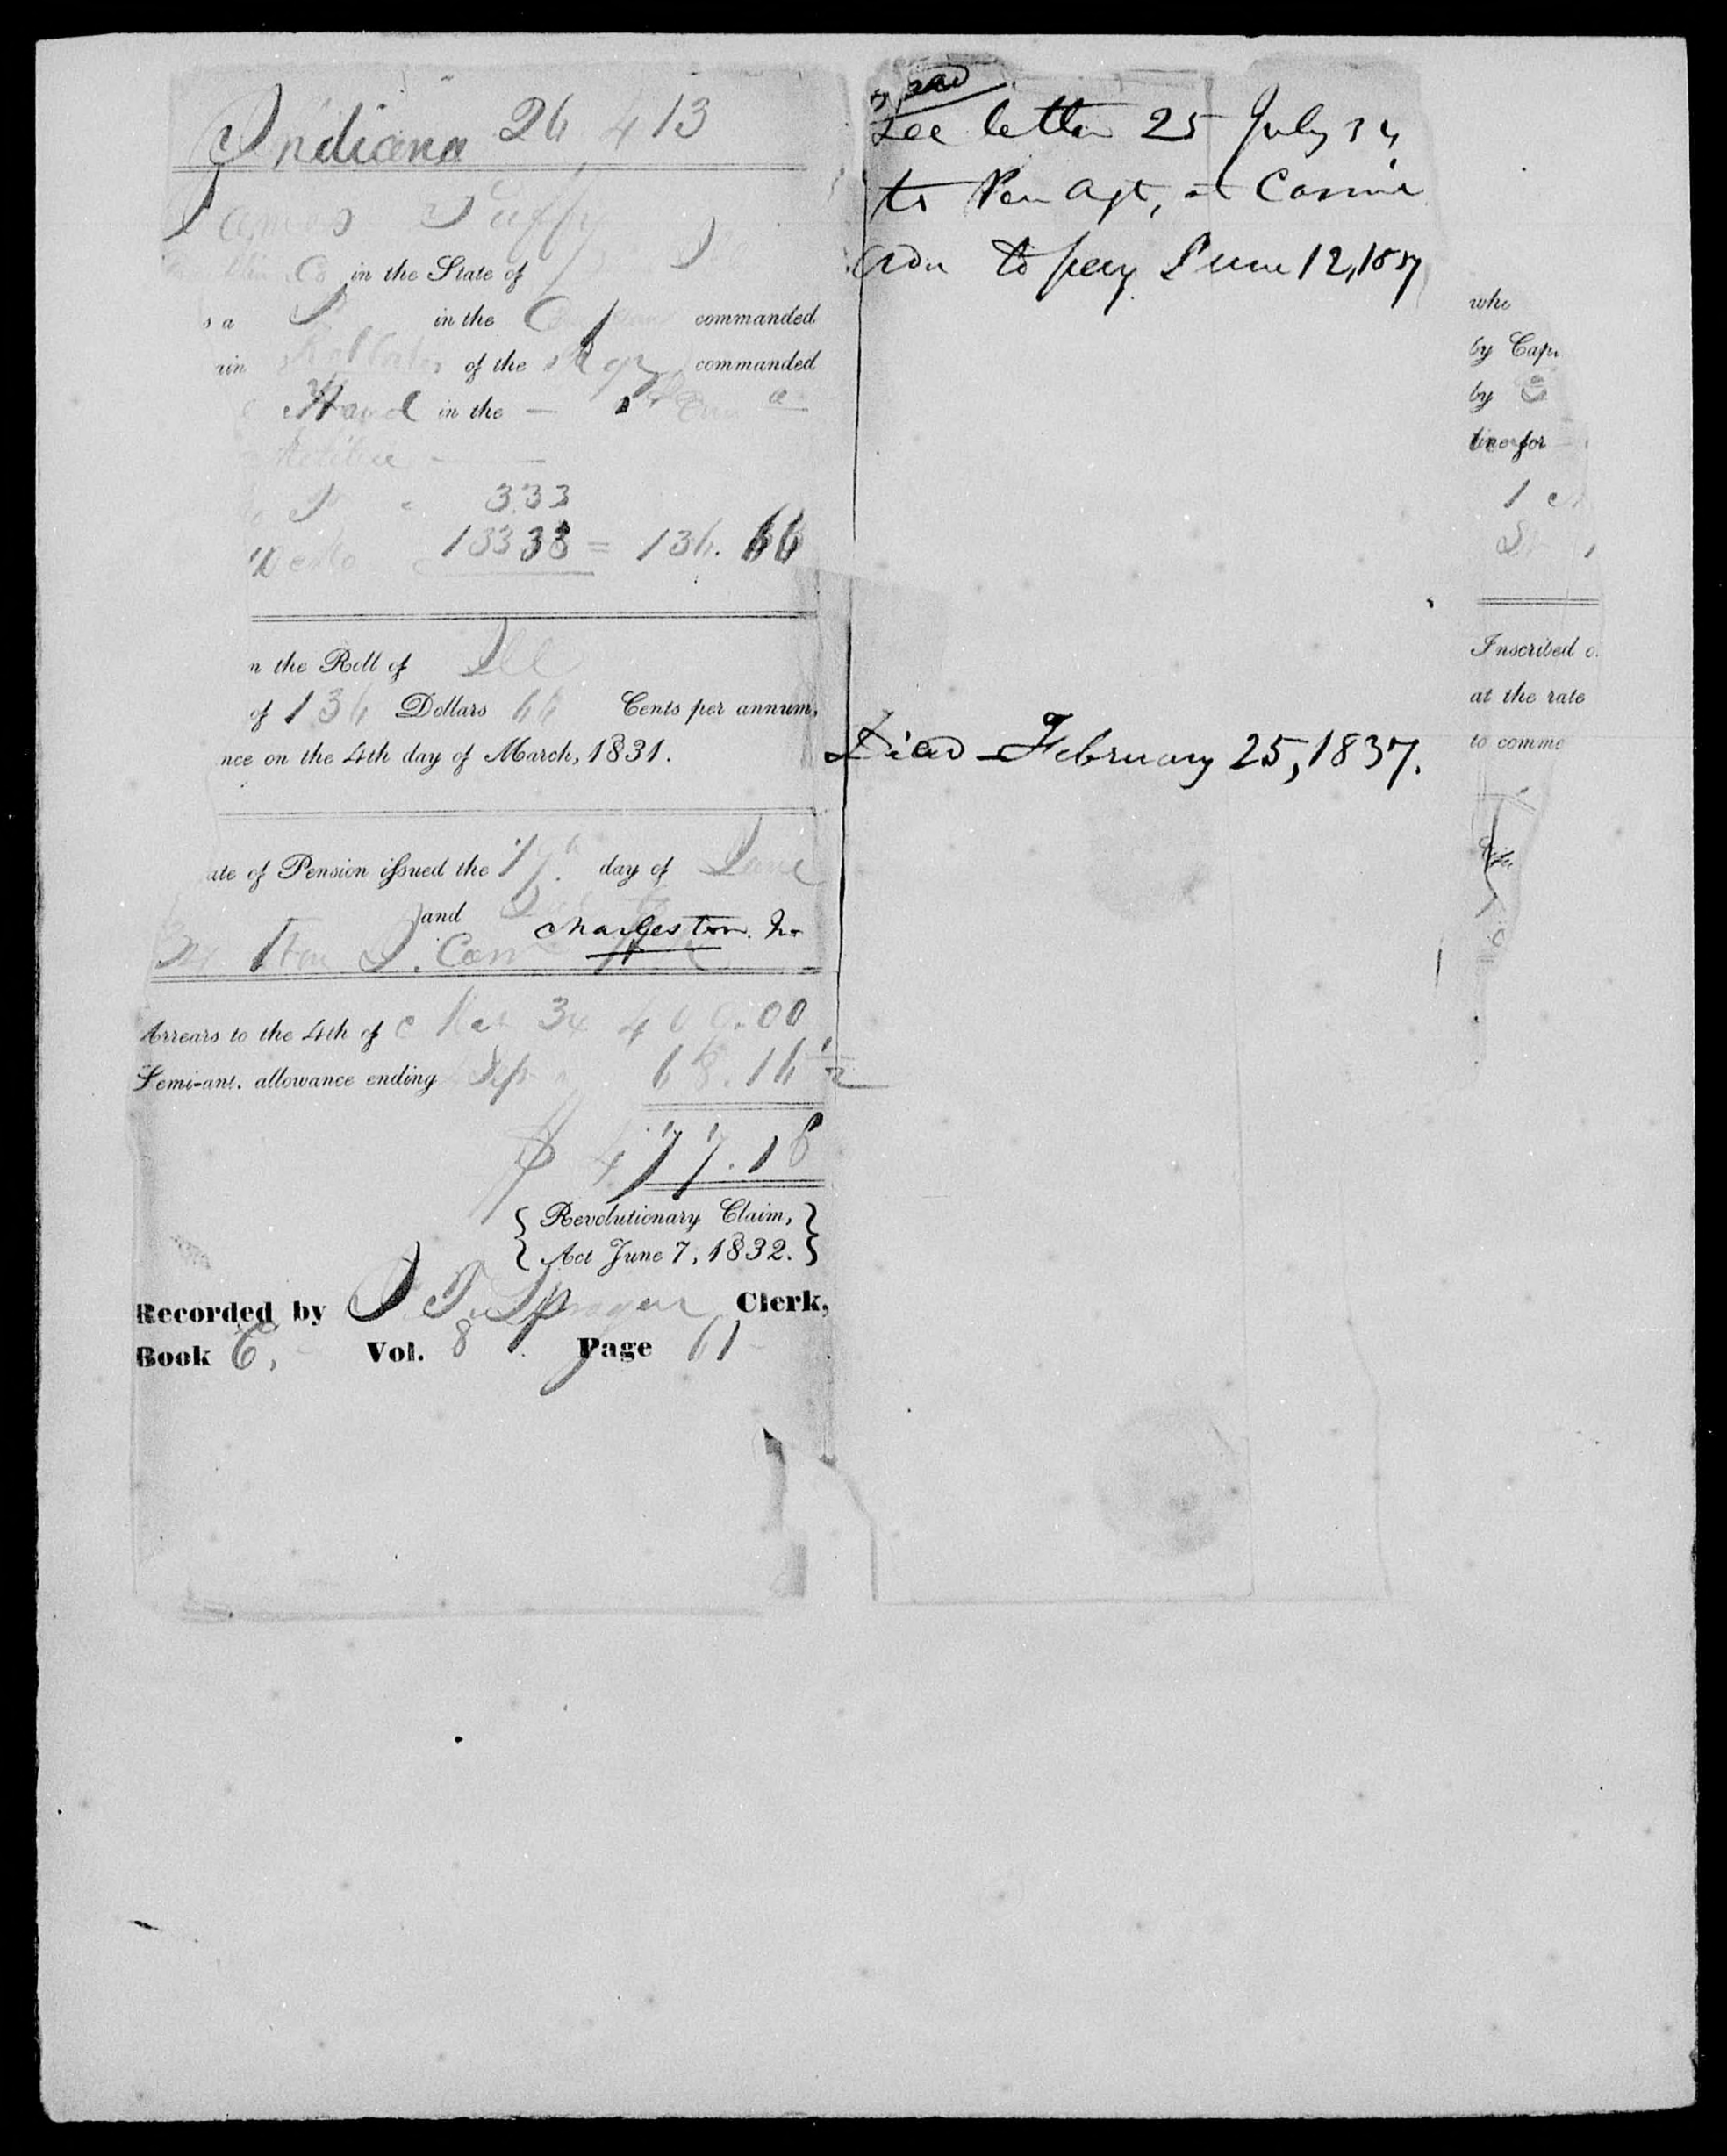Indiana 26413 
James Duffy
of Franklin Co. in the state of [illegible] who was a Pri. in the Company commanded by Captain Rollater of the Reg commanded by Colonel Hand in the Penna.

[missing/illegible]     3.33
[missing/illegible] 133.33 = 136.66

Inscribed on the roll of Ill[inois] at the rate of 136 Dollars and 66 Cents per annum to commence on the 4th day of March, 1831.

Certificate of Pension issued the 19th day of June [year missing] and sent to [illegible name]

Arrears to the 4th of Mar 34           409.00
Semi-an. allowance ending Sep        68.16
                                                             477.16

{Revolutionary Claim,}
{Act June 7, 1832.      }
Recorded by J. T. Sprager Clerk, 
Book 6, Vol. 8 Page 61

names: Rollator, J Carr, J T Sprague, James Guffy, Hand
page: 2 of 36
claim: survivor's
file: S. 31,718, James Guffey, Penn.